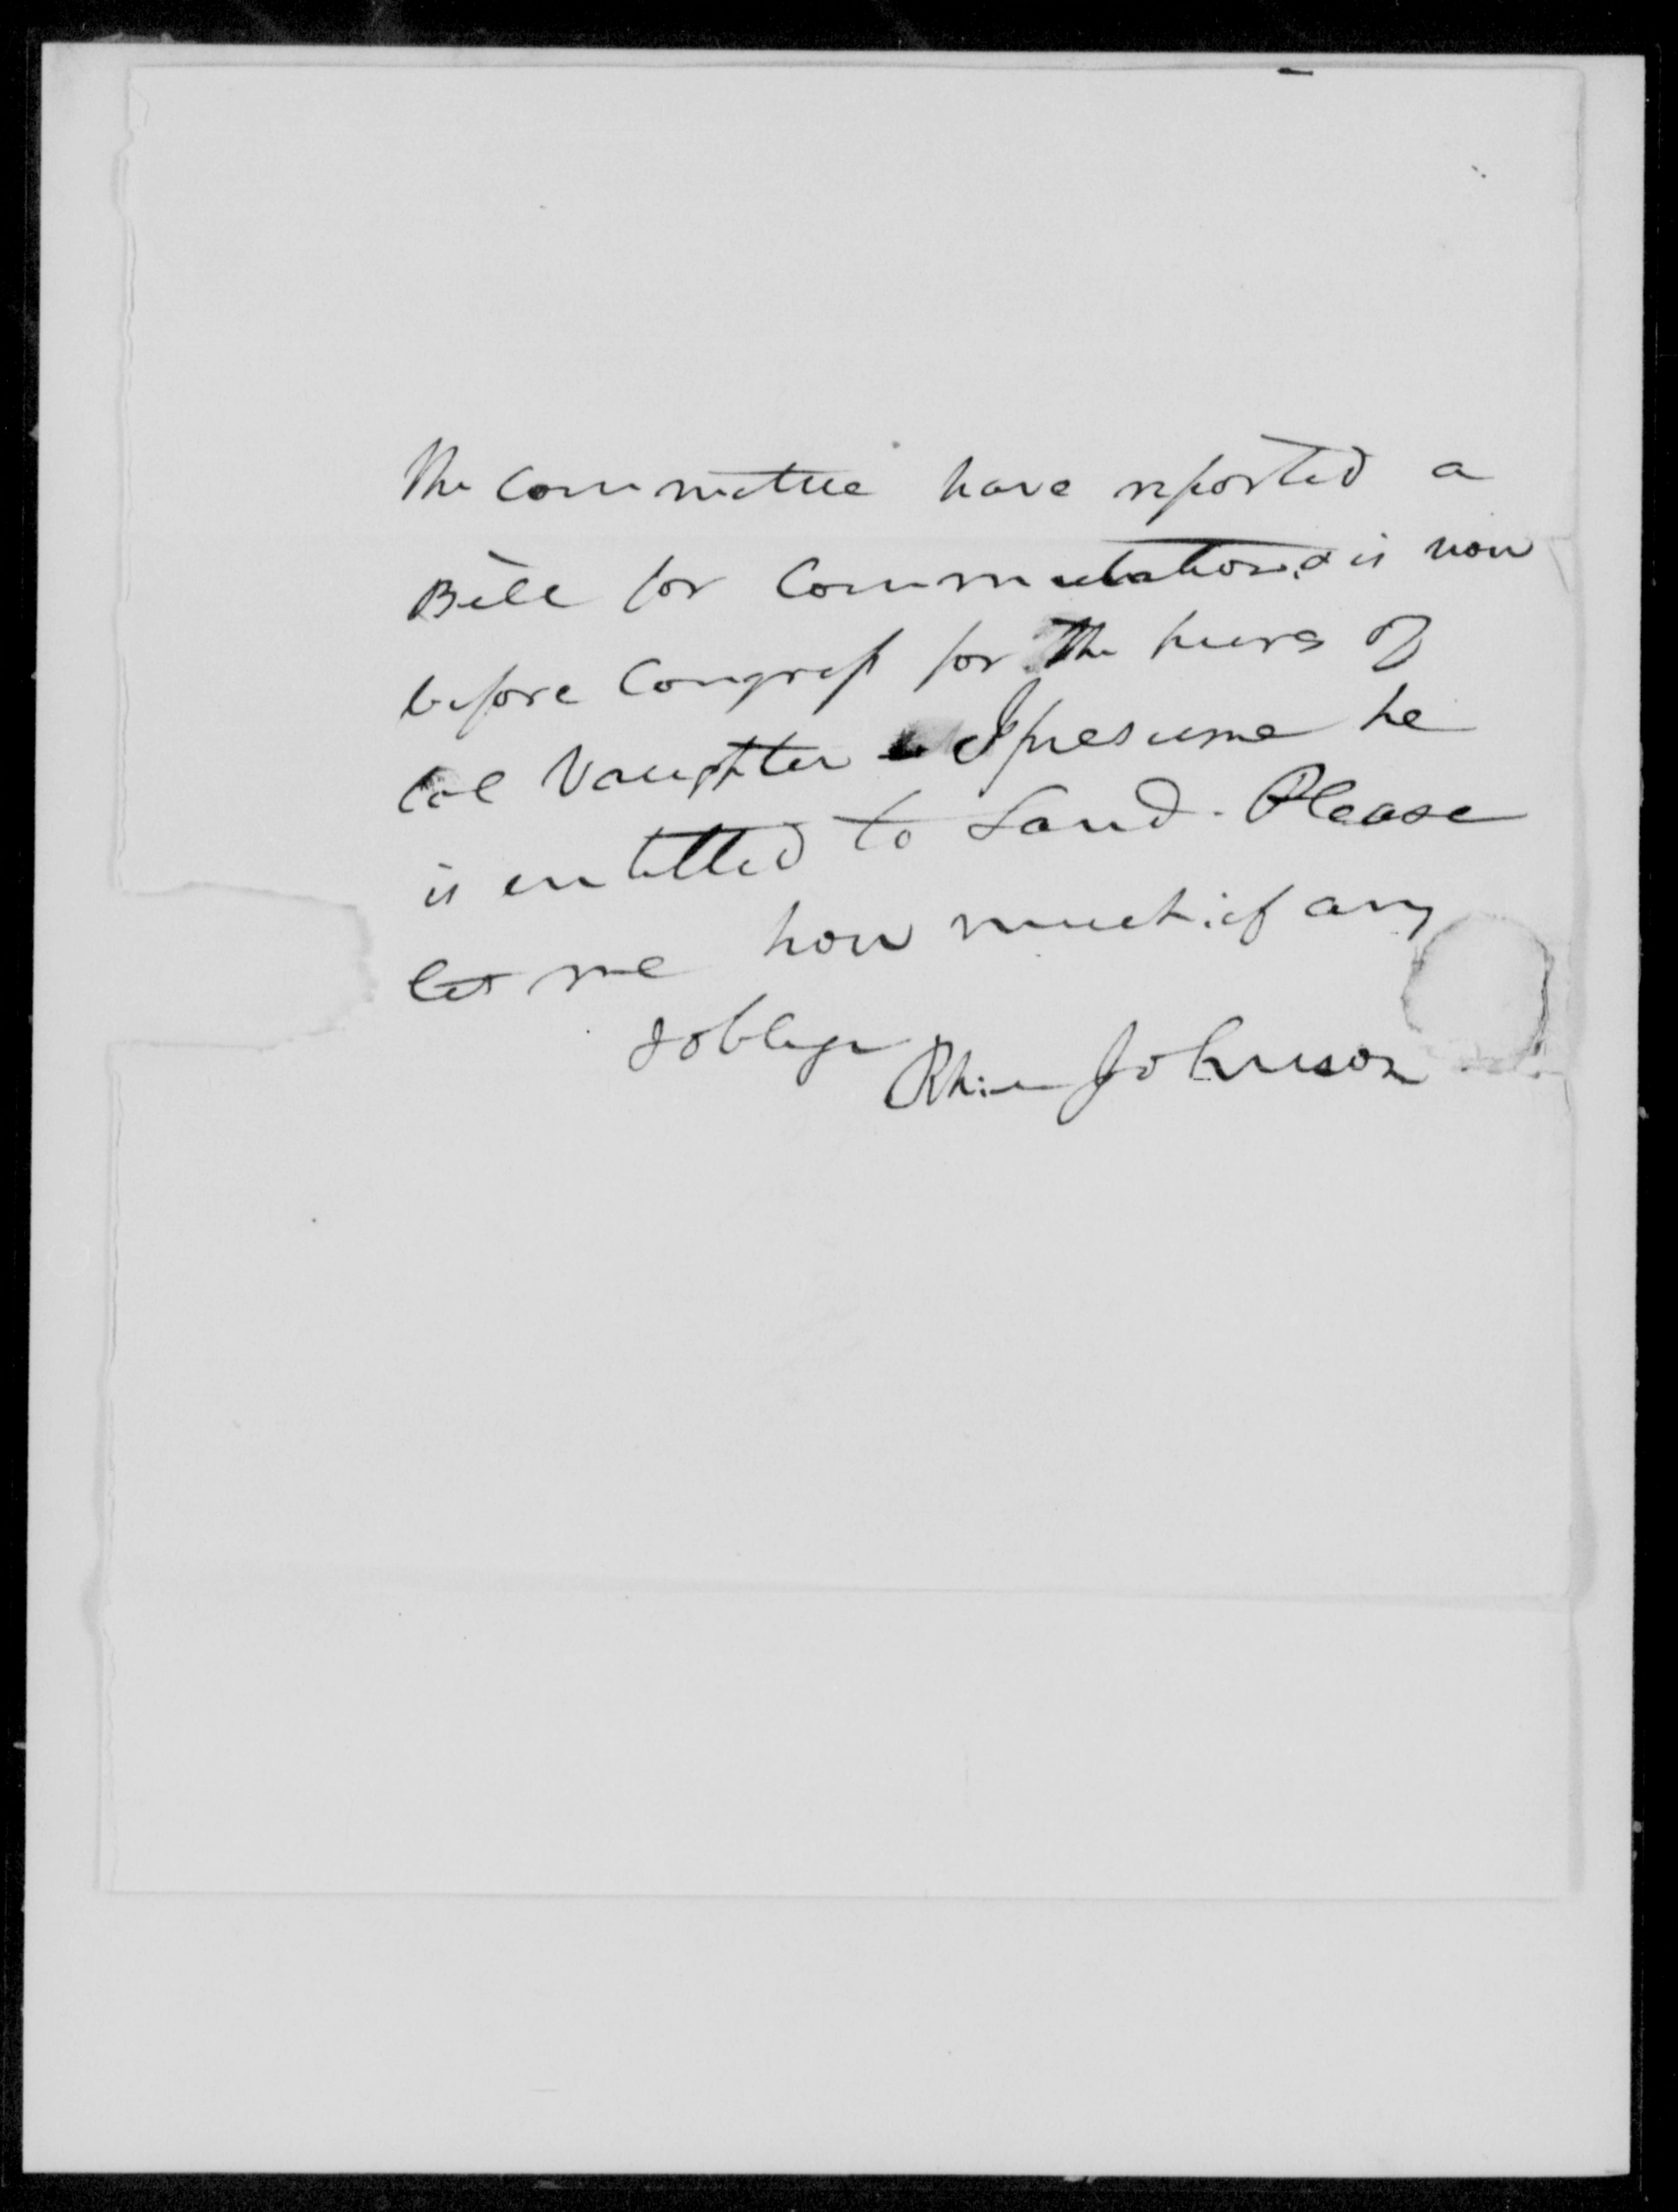The committee have reported a
Bill for Commutation & is now
before Congress for the heirs of
Col Vaughter. I presume he
is entitled to Land.  Please
let me how much if any
 I oblige 
Rh Johnson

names: Rh M Johnson, Vaughter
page: 23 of 51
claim: rejected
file: R. 10,921, William Vawter, Va.